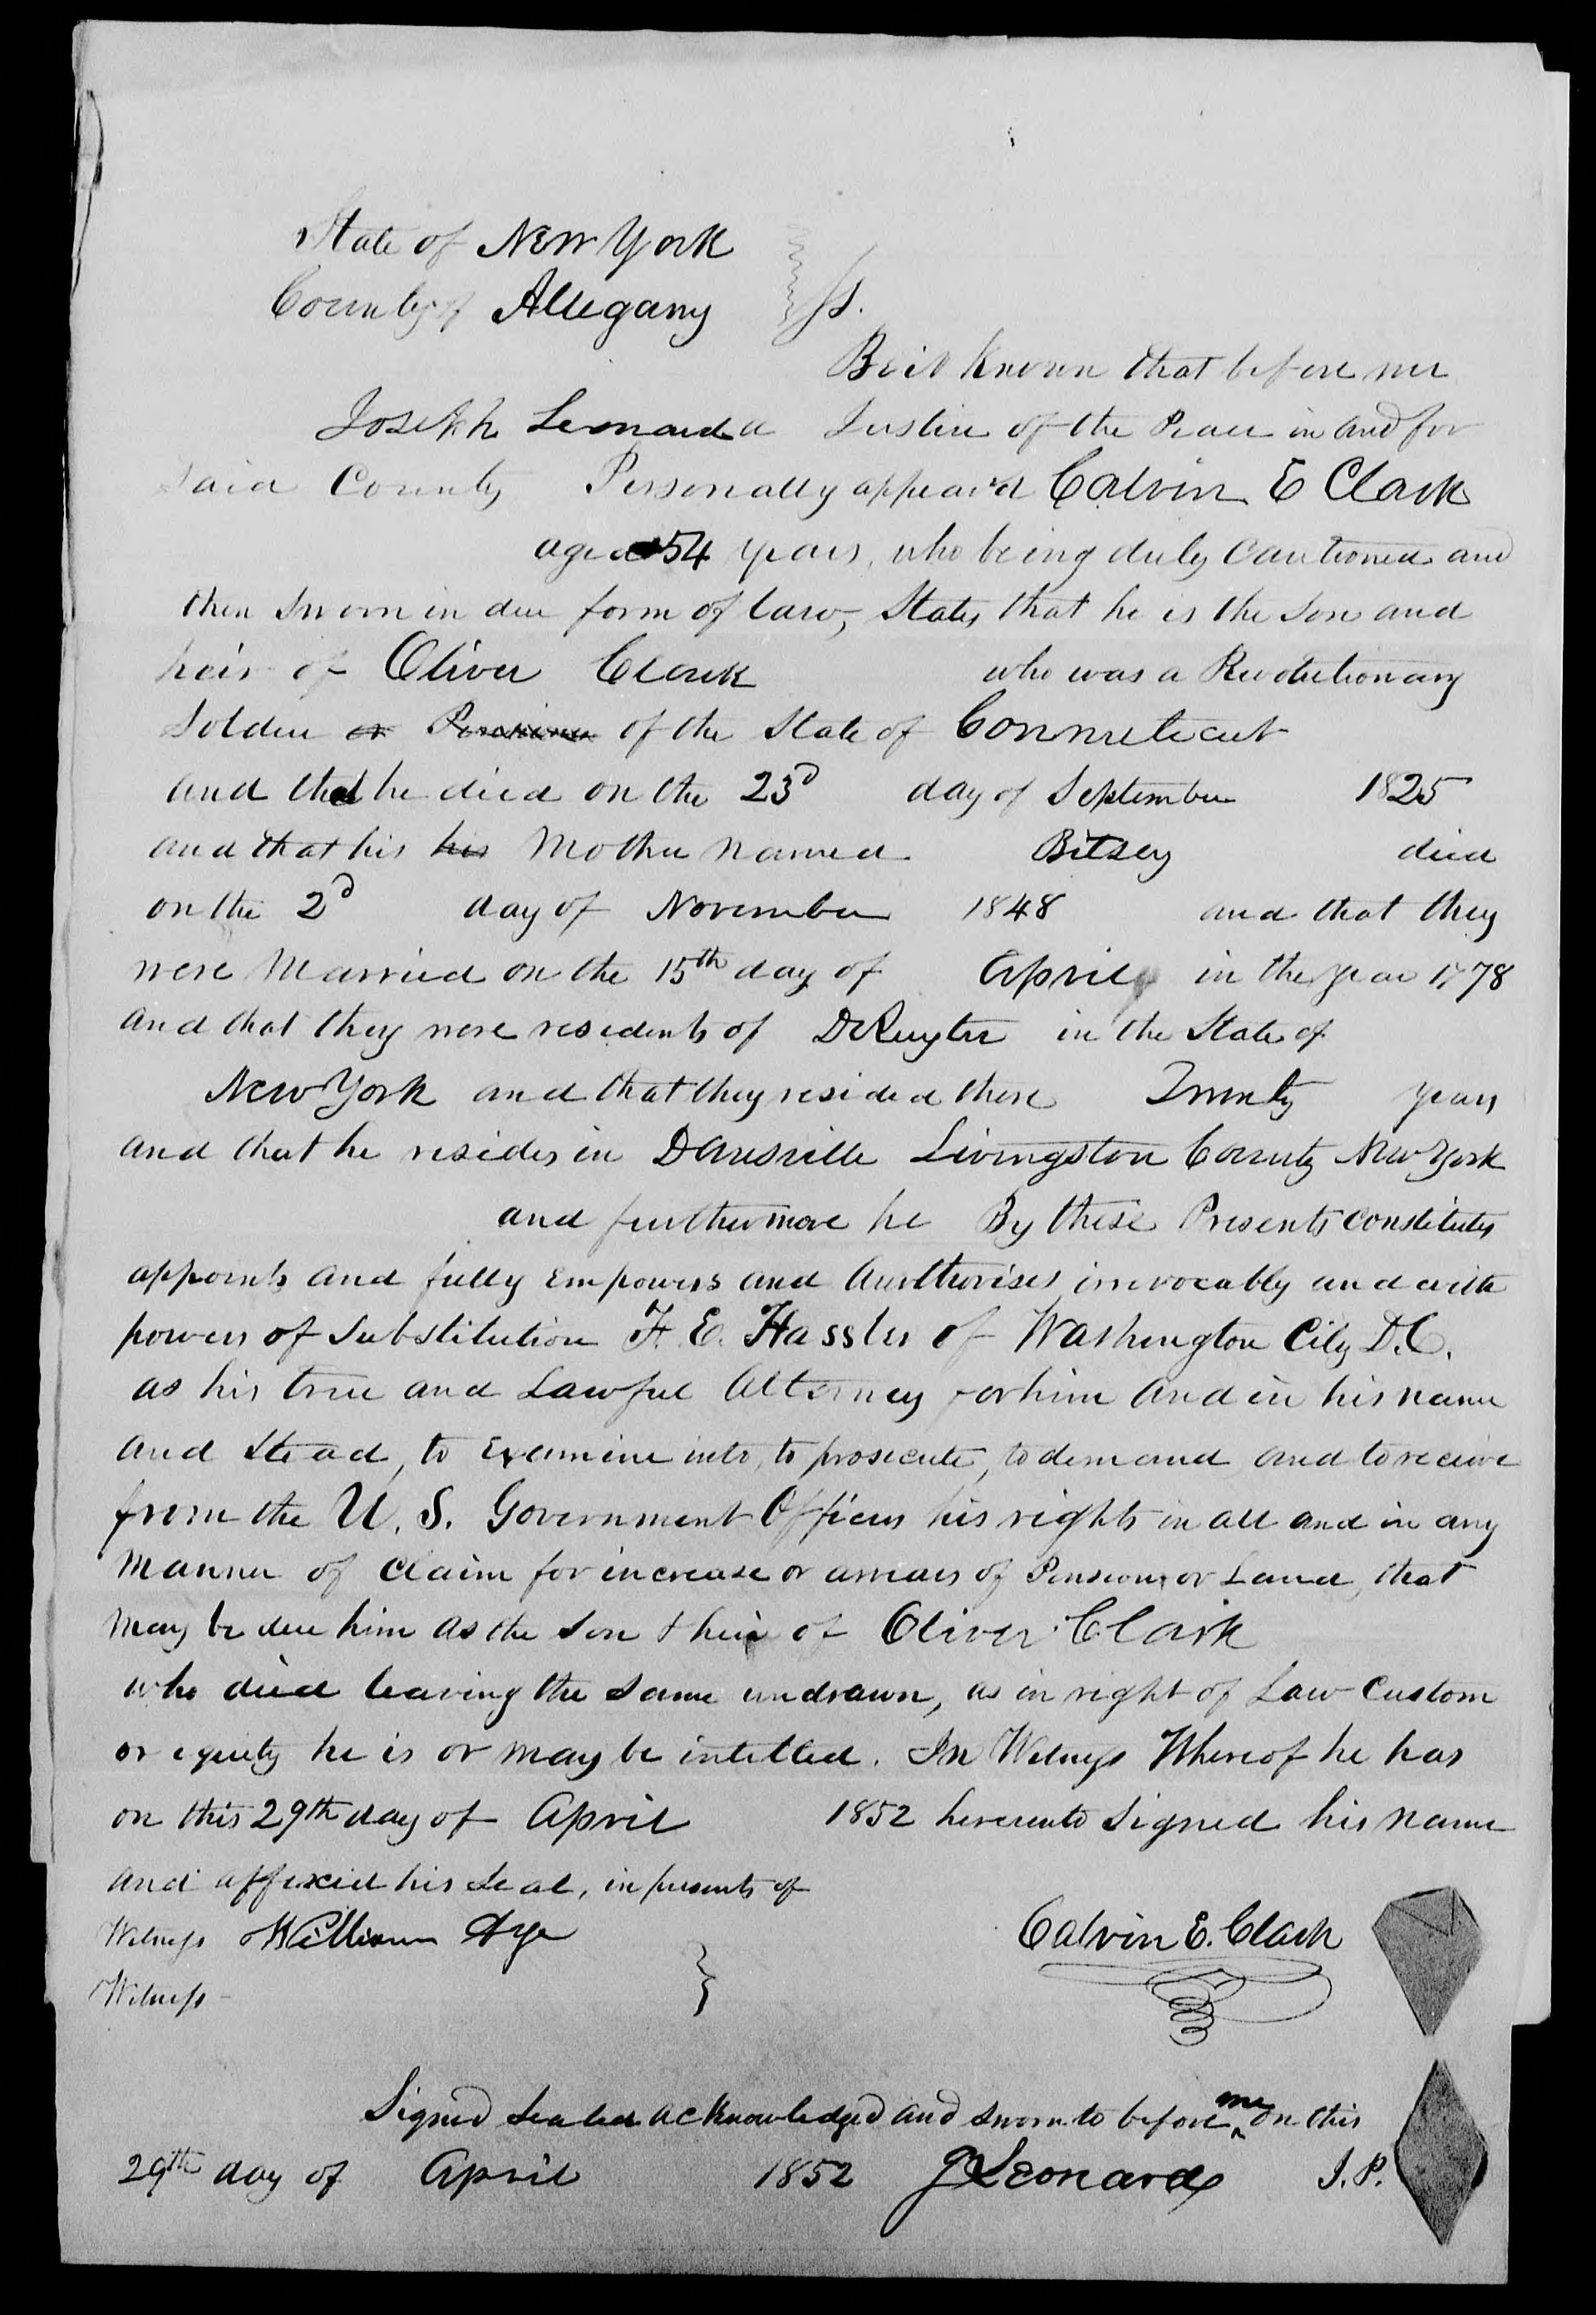[handwritten]
State of New York, 
County of Allegany } ss.

Be it known that before me Joseph Leonard a Justice of the Peace in and for said County Personally appeared Calvin E Clark aged 54 years, who being duly cautioned and the sworn in due form of law, States that he is the Son and heir of Oliver Clark who was a Revolutionary Soldier of the State of Connecticut and that he died on the 23d day of September 1825 and that his mother named Betsey died on the 2d day of November 1848 and that they were Married on the 15th day of April in the year 1778 and that they were residents of DeKuyter in the State of New York and that they resided there Twenty years and the he resides in Dansville Livingston County New York
and furthermore he By these Presents constitutes appoints and fully Empowers and Authorises irrevobly and with powers of Substitution F. E. Hassler of Washington City D.D. as his true and Lawful Attorney for him and in his name and Stead, to Examine into, to prosecute, to demand and to receive from the U.S. Government Officers his rights in all and in any manner of claim for increase or arrears of Pension or Land, May be due him as the Son & heir of Oliver Clark
who died leaving the same undrawn, as in right of Law Custom or equity he is or may be intitled. In Witness Whereof he has on the 29th day of April 1852 hereunto signed his name and affixed his Seal, in presents of Witness [signed] William Dye
Witness [blank]
[signed] Calvin E Clark 

Signed Sealed Acknowledged and sworn to before ^me on this 29th day of April 1852
[signed]
J Leonard J.P.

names: Betsey, Oliver Clark, Calvin E Clark, F E Hassler, Oliver Clark, William Aye, J Leonard, Joseph Leonard, Calvin E Clark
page: 8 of 51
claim: widow's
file: W. 23816, Oliver Clark, Conn.